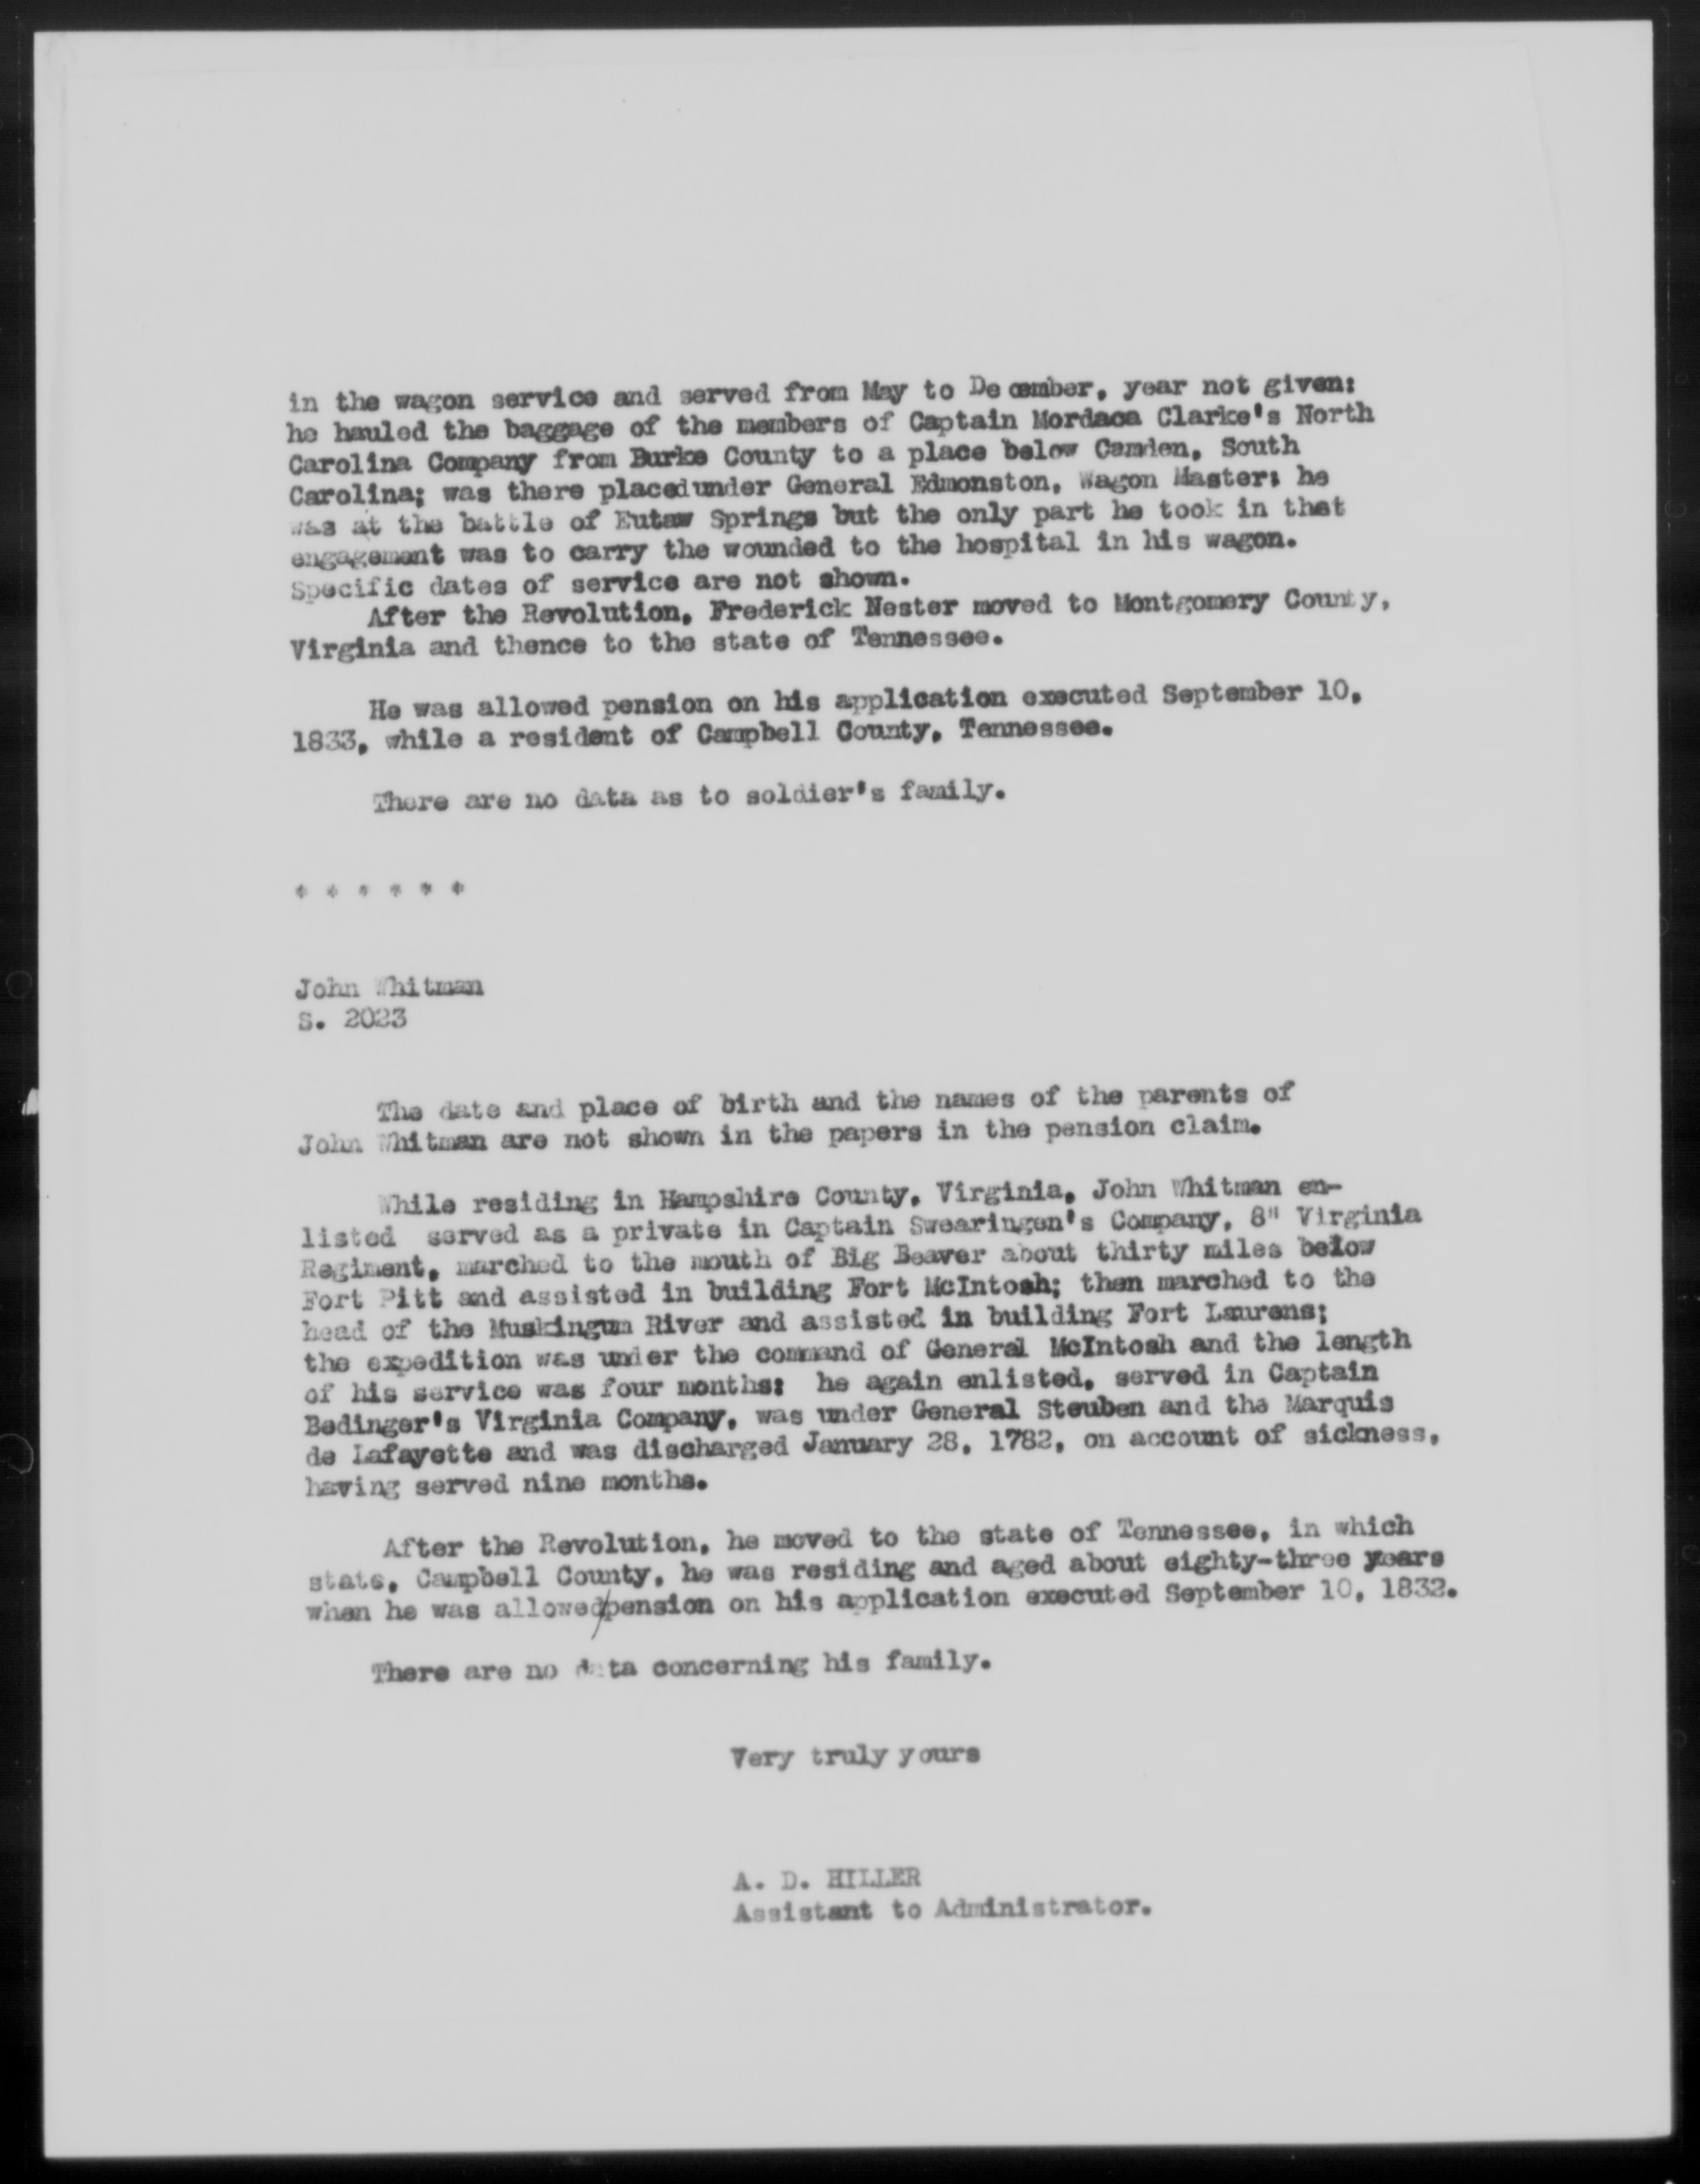in the wagon service and served from May to December, year not given:
he hauled the baggage of the members of Captain Mordaca Clarke's North 
Carolina Company from Burke County to a place below Camden, South 
Carolina, was there placed under General Edmonston, Wagon Master; he
was at the battle of Eutaw Springs but the only part he took in that
engagement was to carry the wounded to the hospital in his wagon.
Specific dates of service are not shown.
After the Revolution, Frederick Nester moved to Montgomery County,
Virginia and thence to the state of Tennessee.

He was allowed pension on his application executed September 10,
1833, while a resident of Campbell County, Tennessee.

There are no data as to soldier's family.

* * *

John Whitman
S. 2023

The date and place of birth and the names of the parents of
John Whitman are not shown in the papers in the pension claim.

While residing in Hampshire County, Virginia, John Whitman
listed served as a private in Captain Swearingen's Company, 8" Virginia
Regiment, marched to the mouth of Big Hoover about thirty miles below
Fort Pitt and assisted in building Fort McIntosh; then marched to the
head of the Muskingum River and assisted in building Fort Laurens
the expedition was under the command of General McIntosh and the length
of his service was four months: he again enlisted, served in Captain
Bedinger's Virginia Company, was under General Steuben and the Marquis
de Lafayette and was discharged January 28, 1782, on account of sickness,
having served nine months.

After the Revolution, he moved to the state of Tennessee, in which
state, Campbell County, he was residing and aged about eighty-three years
when he was allowed pension on his application executed September 10, 1832.

There are no data concerning his family.

Very truly yours

A. D. HILLER
Assistant to Administrator.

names: John Whitman, A D Hiller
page: 13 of 22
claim: survivor's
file: S 2023, John Whitman, Va.